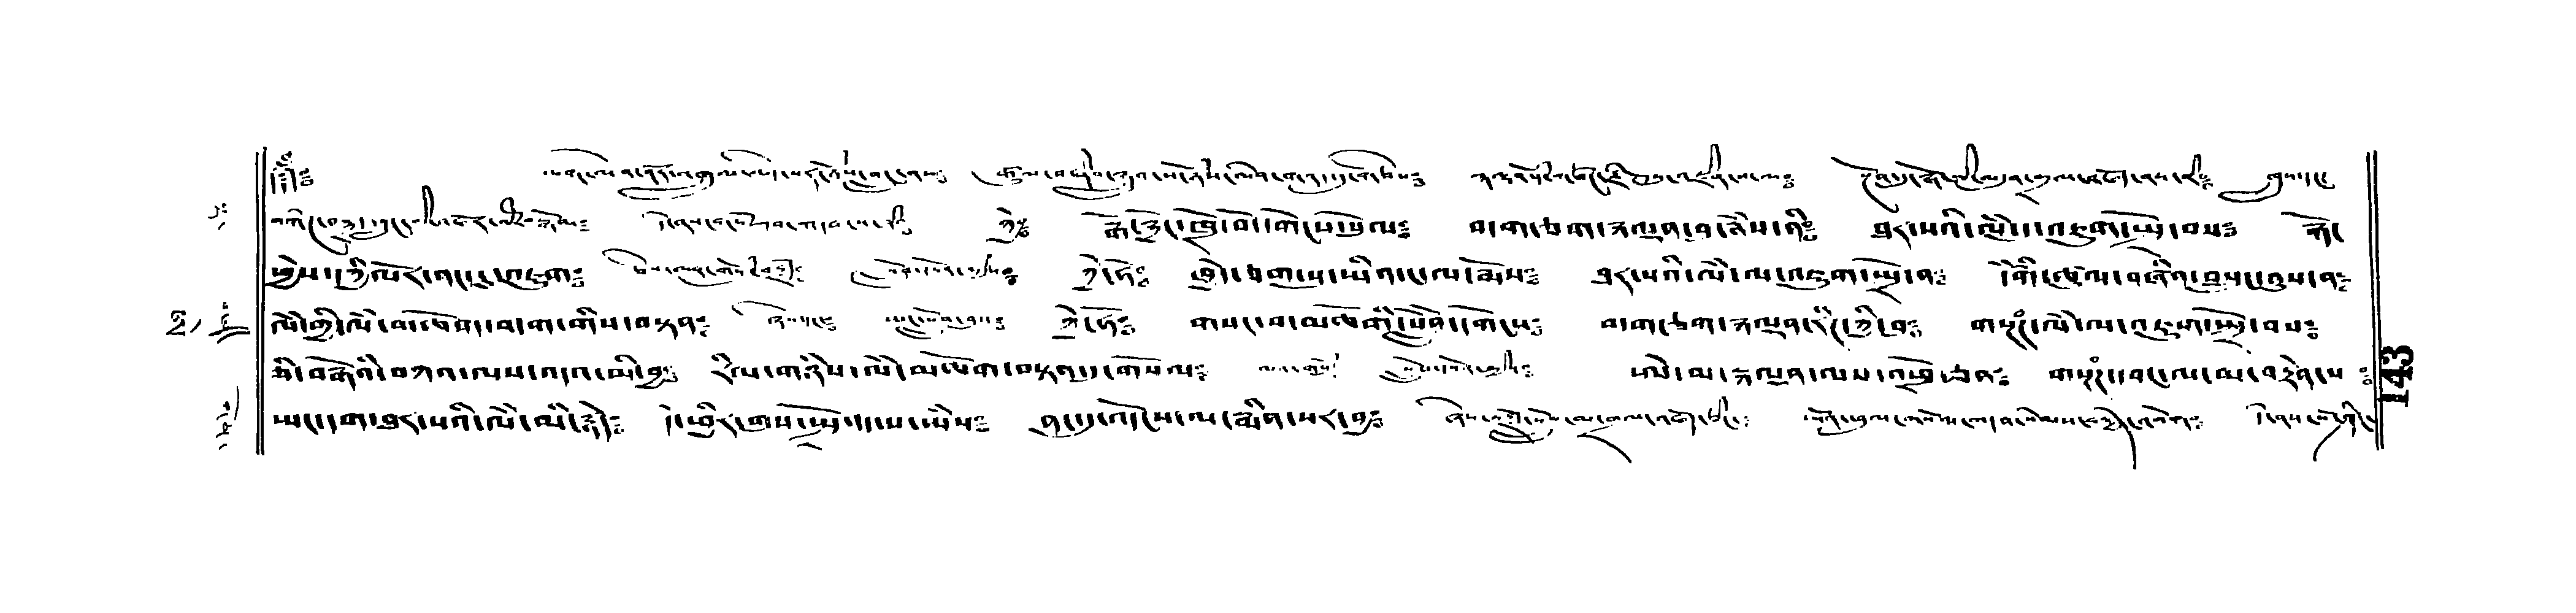ལག་ལེན་ནོར་འཁྲུལ་མེད་པར་ཉམས་བླང་ནས༔ ཚུལ་བཞིན་སྒྲུབ་པ་ཉམས་ལེན་གནད་དུ་གཅེས༔ སྐལ་ལྡན་དམ་གཙང་རྗེས་སུ་འཛིན་པ་ལ༔ སྔོན་ལ་སྒོ་ཡི་མདུན་གྲལ་འཁོད་ནས་ནི༔ ཁྲུས་དང་
བགེགས་བསྐྲད་སྲུང་པའི་འཁོར་ལོ་བསྒོམ༔ དེ་ནས་གསོལ་བ་གདབ་པ་ནི༔ ཀྱེ༔ སྒོ་སྐྱོང་ཁྲོ་བོ་དགོངས་སུ་གསོལ༔ བདག་ཅག་སྐལ་ལྡན་བུ་རྣམས་ནི༔ ཐར་པའི་ལམ་དུ་འཇུག་སྤྲོ་བས༔ སྒོ་
ཕྱེས་དཀྱིལ་འཁོར་ནང་དུ་འཇུག༔ ཅེས་ལན་གསུམ་བརྗོད༔ སློབ་དཔོན་གྱིས༔ ཀྱེ་ཧོ༔ ཁྱེད་ཅག་སུ་ཡིན་ང་ལ་སྨོས༔ ཐར་པའི་ལམ་ལ་འཇུག་སྤྲོ་ན༔ དག་ཚིག་ཚུལ་བཞིན་བསྲུང་ནུས་ཚེ༔ 
ལམ་གྱི་ལམ་མཆོག་བདག་གིས་བསྟན༔ ཞེས་དང༔ ཡང་སློབ་བུས༔ ཀྱེ་ཧོ༔ གསང་བ་མཆོག་གི་སློབ་དཔོན་དགོངས༔ བདག་ཅག་སྐལ་ལྡན་རིགས་ཀྱི་བུ༔ གསང་སྔགས་ལམ་ལ་འཇུག་སྤྲོ་བས༔ 
ཅི་བསྒོའི་བཀའ་ལས་འདའ་མི་བྱ༔ རིམ་གཉིས་ལམ་མཆོག་བསྟན་དུ་གསོལ༔ ལན་གསུམ༔ སློབ་དཔོན་གྱིས༔ ཨེ་མ་སྐལ་ལྡན་ལས་འཕྲོ་ཅན༔ གསང་སྔགས་དབང་ལ་མ་བརྟེན་པ༔ 
ཡང་དག་ཐར་པའི་ལམ་མི་རྙེད༔ དེ་ཕྱིར་གུས་སྤྲོ་དད་པ་ཡིས༔ ནང་དུ་འདོངས་ལ་སྨིན་པར་བྱ༔ ཞེས་བརྗོད་སློབ་མ་གྲལ་འཁོད་ཅིང༔ ཡོན་ཕུལ་གསོལ་གདབ་སེམས་བསྐྱེད་འབོག༔ དེ་ནས་སོ་ཤིང་